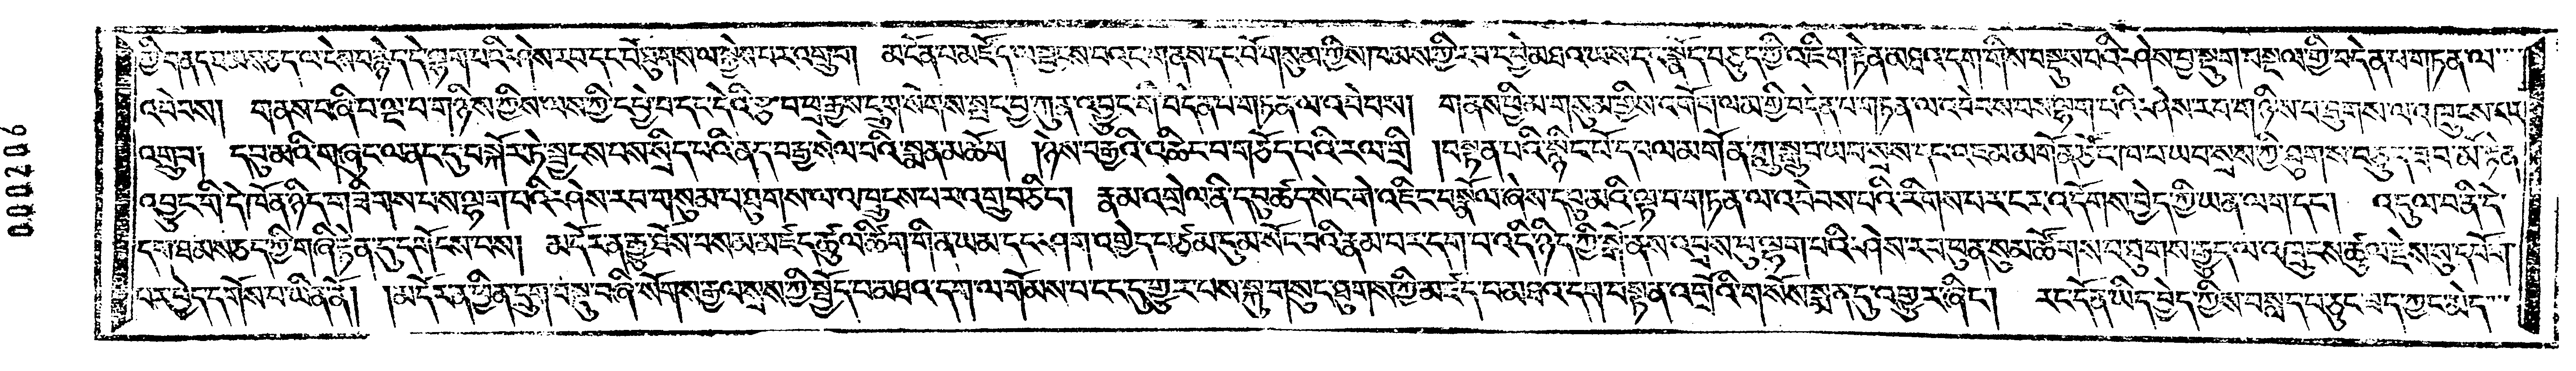ཀྱི་གནད་ཐམས་ཅད་ལ་ངེས་པ་རྙེད་དེ་ལྷག་བའི་ཤེས་རབ་དང་པོ་ཐུགས་ལ་སྐྱེས་པར་འགྲུབ། མངོན་པ་མཛོད་ལ་སྦྱངས་པའང་གནས་དང་པོ་གསུམ་གྱིས་ཁམས་ཀྱི་རབ་དབྱེ་མཐའ་ཡས་དང་སྣོད་བཅུད་ཀྱི་འཇིག་རྟེན་མཐའ་དག་གིས་བསྡུས་པའི་ཤེས་བྱ་སྡུག་བསྔལ་གྱི་བདེན་པ་གཏན་ལ་
འབེབས། གནས་བཞི་བ་ལྔ་བ་གཉིས་ཀྱིས་ལས་ཀྱི་དབྱེ་བ་དང་དེའི་རྩ་བ་ཕྲ་རྒྱས་དྲུག་སོགས་སྤང་བྱ་ཀུན་འབྱུང་གི་བདེན་པ་གཏན་ལ་འབེབས། གནས་ཕྱི་མ་གསུམ་གྱིས་འགོག་ལམ་གྱི་བདེན་པ་གཏན་ལ་འབེབས་པས་ལྷག་པའི་ཤེས་རབ་གཉིས་པ་ཐུགས་ལ་འཁྲུངས་བར་
འགྲུབ། དབུ་མའི་གཞུང་ལ་ནང་དུ་བསྐོར་ཏེ་སྦྱངས་བས་སྲིད་པའི་ནད་བརྒྱ་སེལ་བའི་སྨན་མཆོག །ཉེས་བརྒྱའི་འཆིང་བ་གཅོད་བའི་རལ་གྲི་།བསྟན་པའི་སྙིང་པོ་དཔལ་མགོན་ཀླུ་སྒྲུབ་ཡབ་སྲས་དང་འཇམ་མགོན་ཙོང་ཁ་པ་ཡབ་སྲས་ཀྱི་ཐུགས་བཅུད་ཟབ་མོ་རྟེན་
འབྱུང་གི་དེ་ཁོ་ན་ཉིད་གཟིགས་པས་ལྷག་པའི་ཤེས་རབ་གསུམ་པ་ཐུགས་ལ་འཁྲུངས་པར་འགྲུབ་ཅིང་། རྣམ་འགྲེལ་ནི་དབུ་ཚད་སེང་གེ་འཇིང་བསྣོལ་ཞེས་དབུ་མའི་ལྟ་བ་གཏན་ལ་འབེབས་པའི་རིགས་པར་ངར་འདོགས་བྱེད་ཀྱི་ཡན་ལག་དང་། འདུལ་བ་ནི་དེ་
དག་ཐམས་ཅད་ཀྱི་གཞི་རྟེན་དུ་དགོངས་པས། མདོར་ན་རྒྱུ་ཐོས་བསམ་མཛད་ཚུལ་ཚིག་གི་ན་ཡམ་དང་ཤག་འགྱེད་པ་ཙམ་དུ་མ་སོང་བའི་རྣམ་པར་དག་པ་འདི་ཉིད་ཀྱི་སྒོ་ནས་འབྲས་བུ་ལྷག་པའི་ཤེས་རབ་ཕུན་སུམ་ཚོགས་པ་ཐུགས་རྒྱུད་ལ་འཁྲུངས་ཚུལ་རྗེས་སུ་དཔོག་
པར་བྱེད་དགོས་བ་ཡིན་ནོ། །མདོར་ན་ཕྱིན་དྲུག་བསྡུ་བཞི་སོགས་རྒྱལ་སྲས་ཀྱི་སྤྱོད་པ་མཐའ་དག་ལ་གོམས་པ་ངང་དུ་གྱུར་པས་སྐུ་གསུང་ཐུགས་ཀྱི་མཛད་པ་མཐའ་དག་བསྟན་འགྲོའི་གསོས་སྨན་དུ་འགྱུར་ཞིང་། རང་དོན་ཡིད་བྱེད་ཀྱིས་བསླད་པ་ཅུང་ཟད་ཀྱང་མེད་